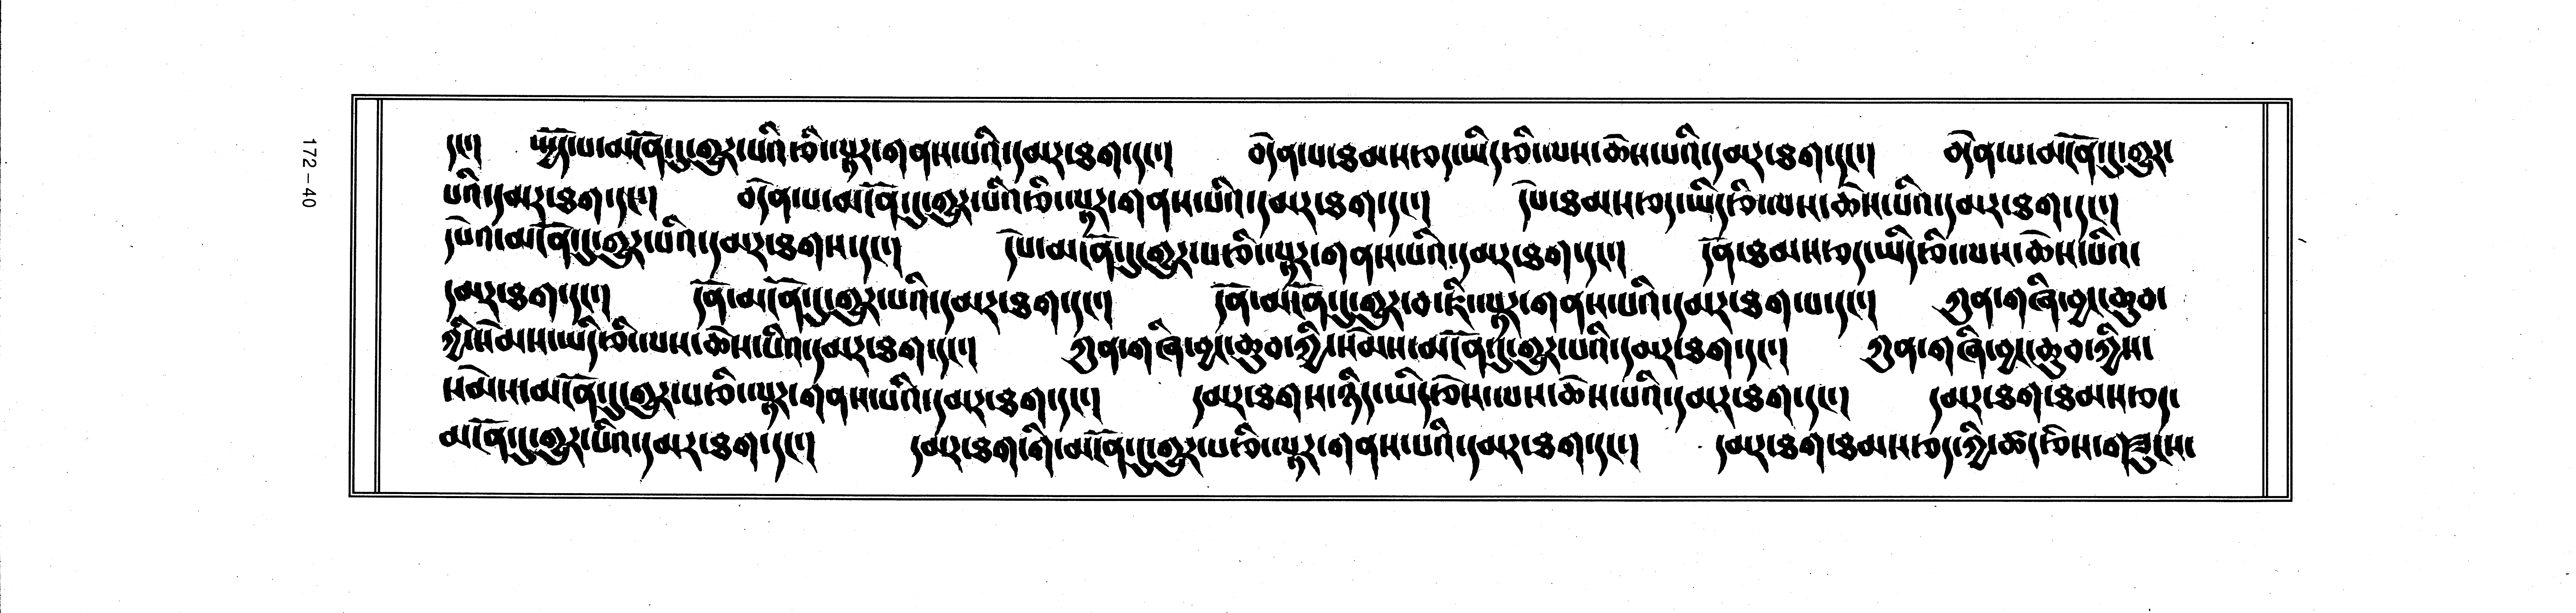དང་། སྤྱོད་པ་མངོན་དུ་གྱུར་པའི་ཅི་ལྟར་གནས་པའི་དམར་ཐག་དང་། བདེན་པ་ཐམས་ཅད་ཡིད་ཅི་ལས་ཆེས་པའི་དམར་ཐག་དང་། བདེན་པ་མངོན་དུ་གྱུར་
པའི་དམར་ཐག་དང་། བདེན་པ་མངོན་དུ་གྱུར་པའི་ཅི་ལྟར་གནས་པའི་དམར་ཐག་དང་། དཔེ་ཐམས་ཅད་ཡིད་ཅི་ལས་ཆེས་པའི་དམར་ཐག་དང་། 
དཔེའ་མངོན་དུ་གྱུར་པའི་དམར་ཐག་དང་། དཔེ་མངོན་དུ་གྱུར་པ་ཇི་ལྟར་གནས་པའི་དམར་ཐག་དང་། དོན་ཐམས་ཅད་ཡིད་ཅི་ལས་ཆེས་པའི་
དམར་ཐག་དང་། དོན་མངོན་དུ་གྱུར་པའི་དམར་ཐག་དང་། དོན་མངོན་དུ་གྱུར་བ་ཇི་ལྟར་གནས་པའི་དམར་ཐག་དང་། ཀུན་གཞི་བྱང་ཆུབ་
ཀྱི་སེམས་ཡིད་ཅི་ལས་ཆེས་པའི་དམར་ཐག་དང་། ཀུན་གཞི་བྱང་ཆུབ་ཀྱི་སེམས་མངོན་དུ་གྱུར་པའི་དམར་ཐག་དང་། ཀུན་གཞི་བྱང་ཆུབ་ཀྱིས་
སེམས་མངོན་དུ་གྱུར་པ་ཅི་ལྟར་གནས་པའི་དམར་ཐག་དང་། དམར་ཐག་ཉིད་ཡིད་ཅི་ལས་ཆེས་པའི་དམར་ཐག་དང་། དམར་ཐག་ཐམས་ཅད་
མངོན་དུ་གྱུར་པའི་དམར་ཐག་དང་། དམར་ཐག་གི་མངོན་དུ་གྱུར་པ་ཅི་ལྟར་གནས་པའི་དམར་ཐག་དང་། དམར་ཐག་ཐམས་ཅད་ཀྱི་ཚད་ཅིས་གཟུངས་